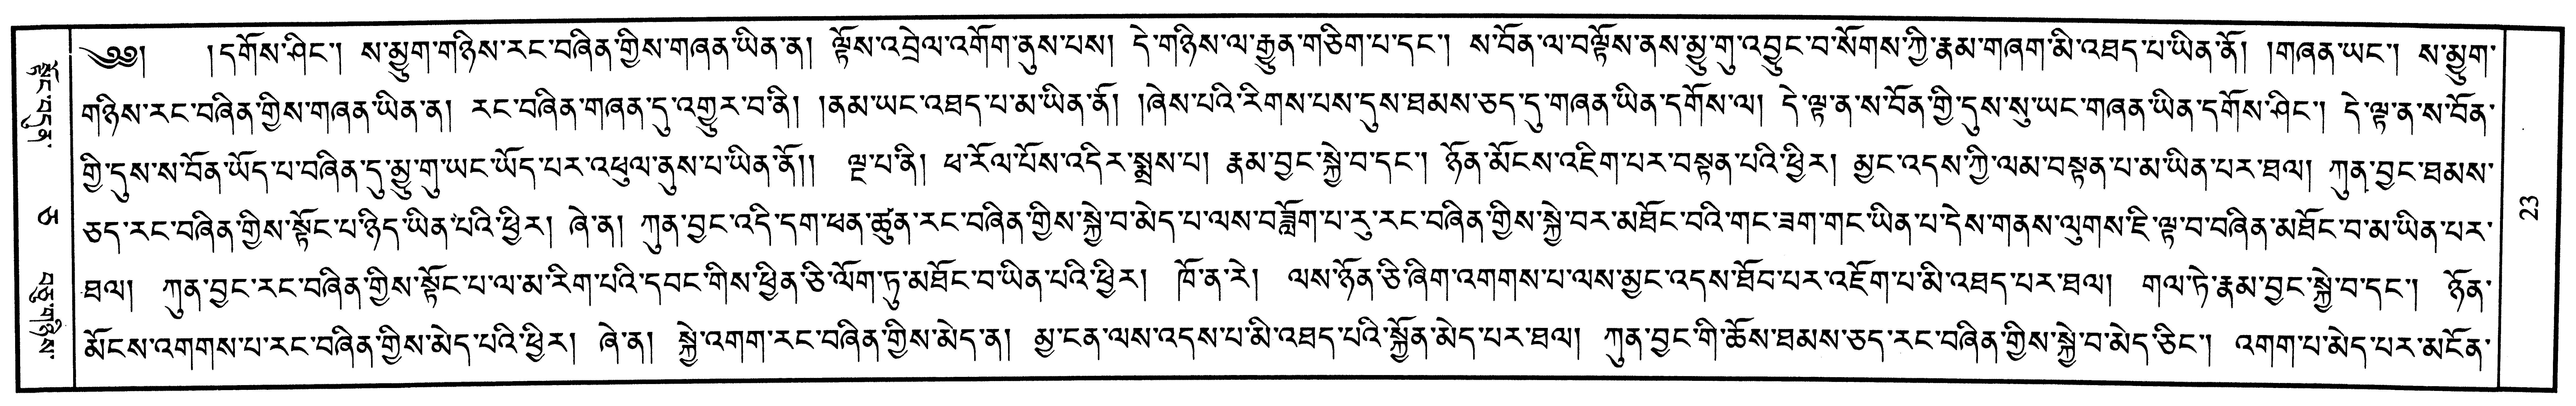༄༅། །དགོས་ཤིང་། ས་མྱུག་གཉིས་རང་བཞིན་གྱིས་གཞན་ཡིན་ན། ལྟོས་འབྲེལ་འགོག་ནུས་པས། དེ་གཉིས་ལ་རྒྱུན་གཅིག་པ་དང་། ས་བོན་ལ་བལྟོས་ནས་མྱུ་གུ་འབྱུང་བ་སོགས་ཀྱི་རྣམ་གཞག་མི་འཐད་པ་ཡིན་ནོ། །གཞན་ཡང་། ས་མྱུག་
གཉིས་རང་བཞིན་གྱིས་གཞན་ཡིན་ན། རང་བཞིན་གཞན་དུ་འགྱུར་བ་ནི། །ནམ་ཡང་འཐད་པ་མ་ཡིན་ནོ། །ཞེས་པའི་རིགས་པས་དུས་ཐམས་ཅད་དུ་གཞན་ཡིན་དགོས་ལ། དེ་ལྟ་ན་ས་བོན་གྱི་དུས་སུ་ཡང་གཞན་ཡིན་དགོས་ཤིང་། དེ་ལྟ་ན་ས་བོན་
གྱི་དུས་ས་བོན་ཡོད་པ་བཞིན་དུ་མྱུ་གུ་ཡང་ཡོད་པར་འཕུལ་ནུས་པ་ཡིན་ནོ།། ལྔ་པ་ནི། ཕ་རོལ་པོས་འདིར་སྨྲས་པ། རྣམ་བྱང་སྐྱེ་བ་དང་། ཉོན་མོངས་འཇིག་པར་བསྟན་པའི་ཕྱིར། མྱང་འདས་ཀྱི་ལམ་བསྟན་པ་མ་ཡིན་པར་ཐལ། ཀུན་བྱང་ཐམས་
ཅད་རང་བཞིན་གྱིས་སྟོང་པ་ཉིད་ཡིན་པའི་ཕྱིར། ཞེ་ན། ཀུན་བྱང་འདི་དག་ཕན་ཚུན་རང་བཞིན་གྱིས་སྐྱེ་བ་མེད་པ་ལས་བཟློག་པ་རུ་རང་བཞིན་གྱིས་སྐྱེ་བར་མཐོང་བའི་གང་ཟག་གང་ཡིན་པ་དེས་གནས་ལུགས་ཇི་ལྟ་བ་བཞིན་མཐོང་བ་མ་ཡིན་པར་
ཐལ། ཀུན་བྱང་རང་བཞིན་གྱིས་སྟོང་པ་ལ་མ་རིག་པའི་དབང་གིས་ཕྱིན་ཅི་ལོག་ཏུ་མཐོང་བ་ཡིན་པའི་ཕྱིར། ཁོ་ན་རེ། ལས་ཉོན་ཅི་ཞིག་འགགས་པ་ལས་མྱང་འདས་ཐོབ་པར་འཇོག་པ་མི་འཐད་པར་ཐལ། གལ་ཏེ་རྣམ་བྱང་སྐྱེ་བ་དང་། ཉོན་
མོངས་འགགས་པ་རང་བཞིན་གྱིས་མེད་པའི་ཕྱིར། ཞེ་ན། སྐྱེ་འགག་རང་བཞིན་གྱིས་མེད་ན། མྱ་ངན་ལས་འདས་པ་མི་འཐད་པའི་སྐྱོན་མེད་པར་ཐལ། ཀུན་བྱང་གི་ཆོས་ཐམས་ཅད་རང་བཞིན་གྱིས་སྐྱེ་བ་མེད་ཅིང་། འགག་པ་མེད་པར་མངོན་